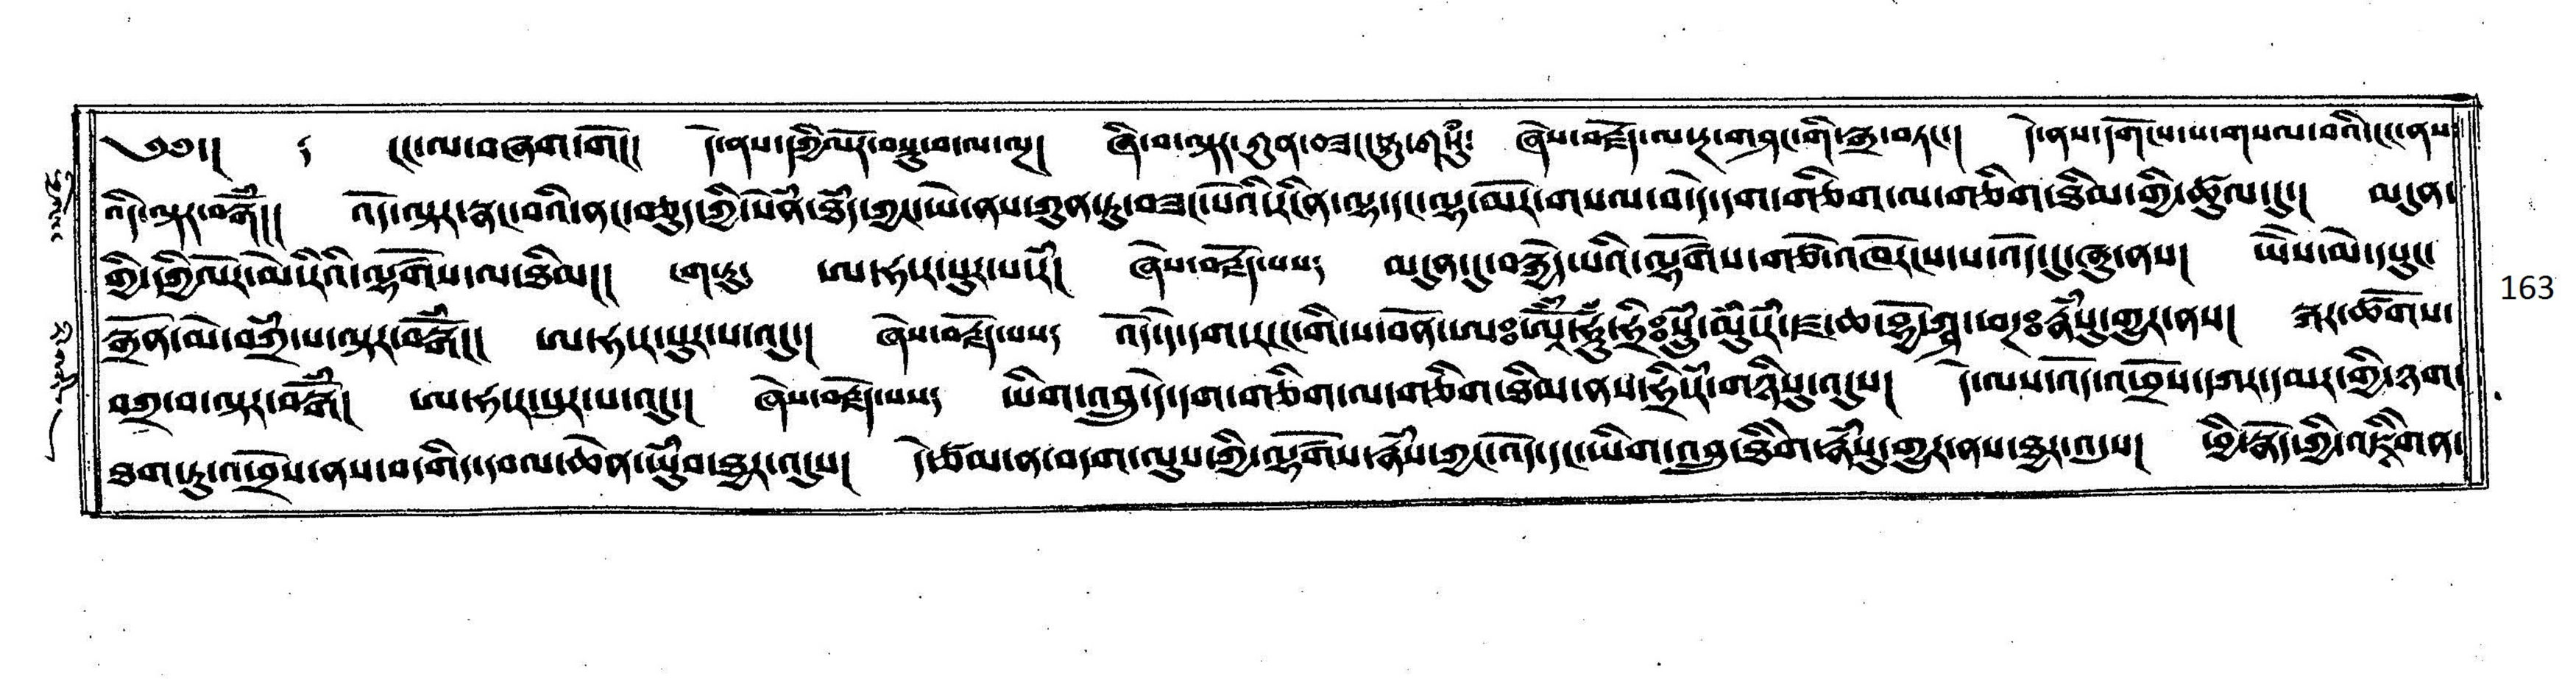ངང་ལ་བཞག་གོ།། དེ་ནས་དཀྱིལ་འཁོར་བསྡུ་བ་ལ་ལྔ། ཞི་བ་ལྟར་ཀུན་བཟང་སྐུ་གསུམ༴ ཞེས་བརྗོད་ལ་རྔ་གཤང་གི་སྒྲ་བཏང་། དེ་ནས་དགོངས་པ་གསལ་བའི་ངང་ནས་
འདི་ལྟར་བསྒོམ།། འོད་ལྟར་སྣང་བའི་ནང་བཅུད་ཀྱི་སེམས་ཅན་ཐམས་ཅད་ཀྱང་ཡེ་ནས་ཀུན་ཏུ་བཟང་པོའི་རང་བཞིན་ལྷ་དང་ལྷ་མོར་གསལ་བ་དེ་དག་གཅིག་ལ་གཅིག་ཐིམ་གྱི་ཚུལ་དུ། མདུན་
གྱི་དཀྱིལ་འཁོར་མེ་རིའི་ལྷ་ཚོགས་ལ་ཐིམ།། ངག་ཏུ་ཨ་ཧ་ར་པུར་པ་རཾ། ཞེས་བརྗོད་པས། མདུན་དུ་བསྐྱེད་པའི་ལྷ་ཚོགས་གཙོ་འཁོར་དང་བཅས་པ་འོད་དུ་ཞུ་ནས། ཡེ་ཤེས་མེ་དཔུང་
སྒྲོན་མེ་བཀྲམ་པ་ལྟར་བསྒོམ།། ཨ་ཧ་ར་པུར་པ་འདུ། ཞེས་བརྗོད་པས། འོད་དེ་དག་རང་རང་གི་ས་བོན་ཨཿཨཱོཾ་ཧཱུྃ་ཧྲིཿསྲུཾ་མུཾ་རཾ་ཛ་ཆ་བྷྱོ་ཀྴ་ཕཊཿརྣམས་སུ་གྱུར་ནས། སྐར་ཚོགས་
བཀྲ་བ་ལྟར་བསྒོམ། ཨ་ཧ་ར་པུར་པ་འདུ། ཞེས་བརྗོད་པས། ཡིག་འབྲུ་དེ་དག་གཅིག་ལ་གཅིག་ཐིམ་ནས་ཧྲི་རཾ་གཉིས་སུ་འདུས། དེ་ལས་འོད་འཕྲོས་དཀར་དམར་གྱི་ཉག་
ཐག་ཏུ་འཕྲོས་ནས་བདག་ཉིད་དབལ་ཆེན་ཡབ་ཡུམ་ཐུགས་ཀར་འདུས། དེ་ཙམ་ན་བདག་ལུས་ཀྱི་ལྷ་ཚོགས་རྣམས་ཀྱང་འོད་དང་ཡིག་འབྲུ་ཐིག་ལེ་རྣམས་སུ་གྱུར་ནས་ཐུགས་ཀར་འདུས། ཕྱི་སྣོད་ཀྱི་འཇིག་རྟེན་